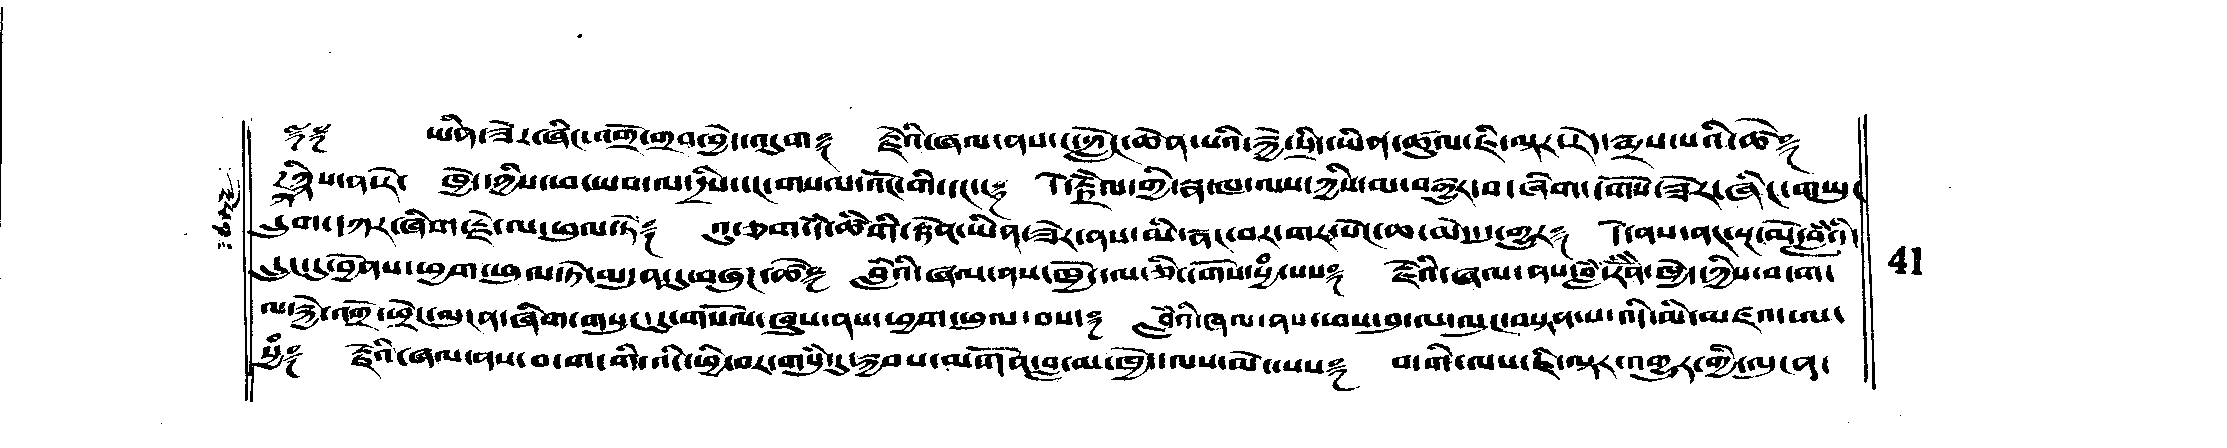ཡིན་ཟེར་ཞིང་འགྲོ་གྲབ་བྱེད་འདུག རྗེའི་ཞལ་ནས་ང་ཀློང་ཆེན་པའི་སྐྱེ་སྲིད་ཡིན་ཚུལ་ཇི་ལྟར་རེད་སྨྲས་པའི་ཚེ། 
ཌཱཀྐི་ན་རེ། ཁྱོད་ཀྱིས་ཕ་ཡབ་ལ་དྲིས་དང་གསལ་འོང་གི་དང་། དེ་རྟེན་འབྲེལ་གྱི་སྣ་ཁ་ལས་ཀྱིས་མ་བསྒྱུར་བ་ཞིག་དགོས་ཟེར་ཞིང་གཡུ་
དྲུག་དཀར་ཞིག་རྗེ་ལ་ཕུལ་ཏེ། འུ་ཅག་དམ་ཚིག་གི་རྟེན་ཡིན་ཟེར་ནས་མི་སྣང་བར་གར་སོང་ཆ་མེད་དུ་གྱུར། དེ་ནས་ནངས་སྔ་མོ་བླ་མའི་
དྲུང་དུ་བྱོན་ནས་ཕྱག་ཕུལ་ཏེ་མདུན་དུ་བཞུགས་ཚེ། བླ་མའི་ཞལ་ནས་ཁྱོད་ལ་ཅི་དགོས་གསུངས་པས། རྗེའི་ཞལ་ནས་བླ་མ་རིན་པོ་ཆེ་ཁྱོད་ཀྱིས་བདག་
ལ་སྐྱེ་འགྲོ་ཕྲེང་༼སྐྱེ་ཕྲེང་?༽ལུང་བསྟན་ཞིག་གསུང་དུ་གསོལ་ཞུས་ནས་ཕྱག་ཕུལ་བས། བླ་མའི་ཞལ་ནས་ཕས་བུ་ལ་ལུང་བསྟན་པ་འདི་མི་མཛའ་ཨ་
གསུངས། རྗེའི་ཞལ་ནས་བདག་གི་འདི་ཕྱི་བར་གསུམ་དུ་སྐྱབས་མགོན་བླ་མ་ཁྱོད་ལས་མེད་པས། བདག་གི་ལས་ཇི་ལྟར་འགྱུར་གྱི་ལུང་བསྟན་